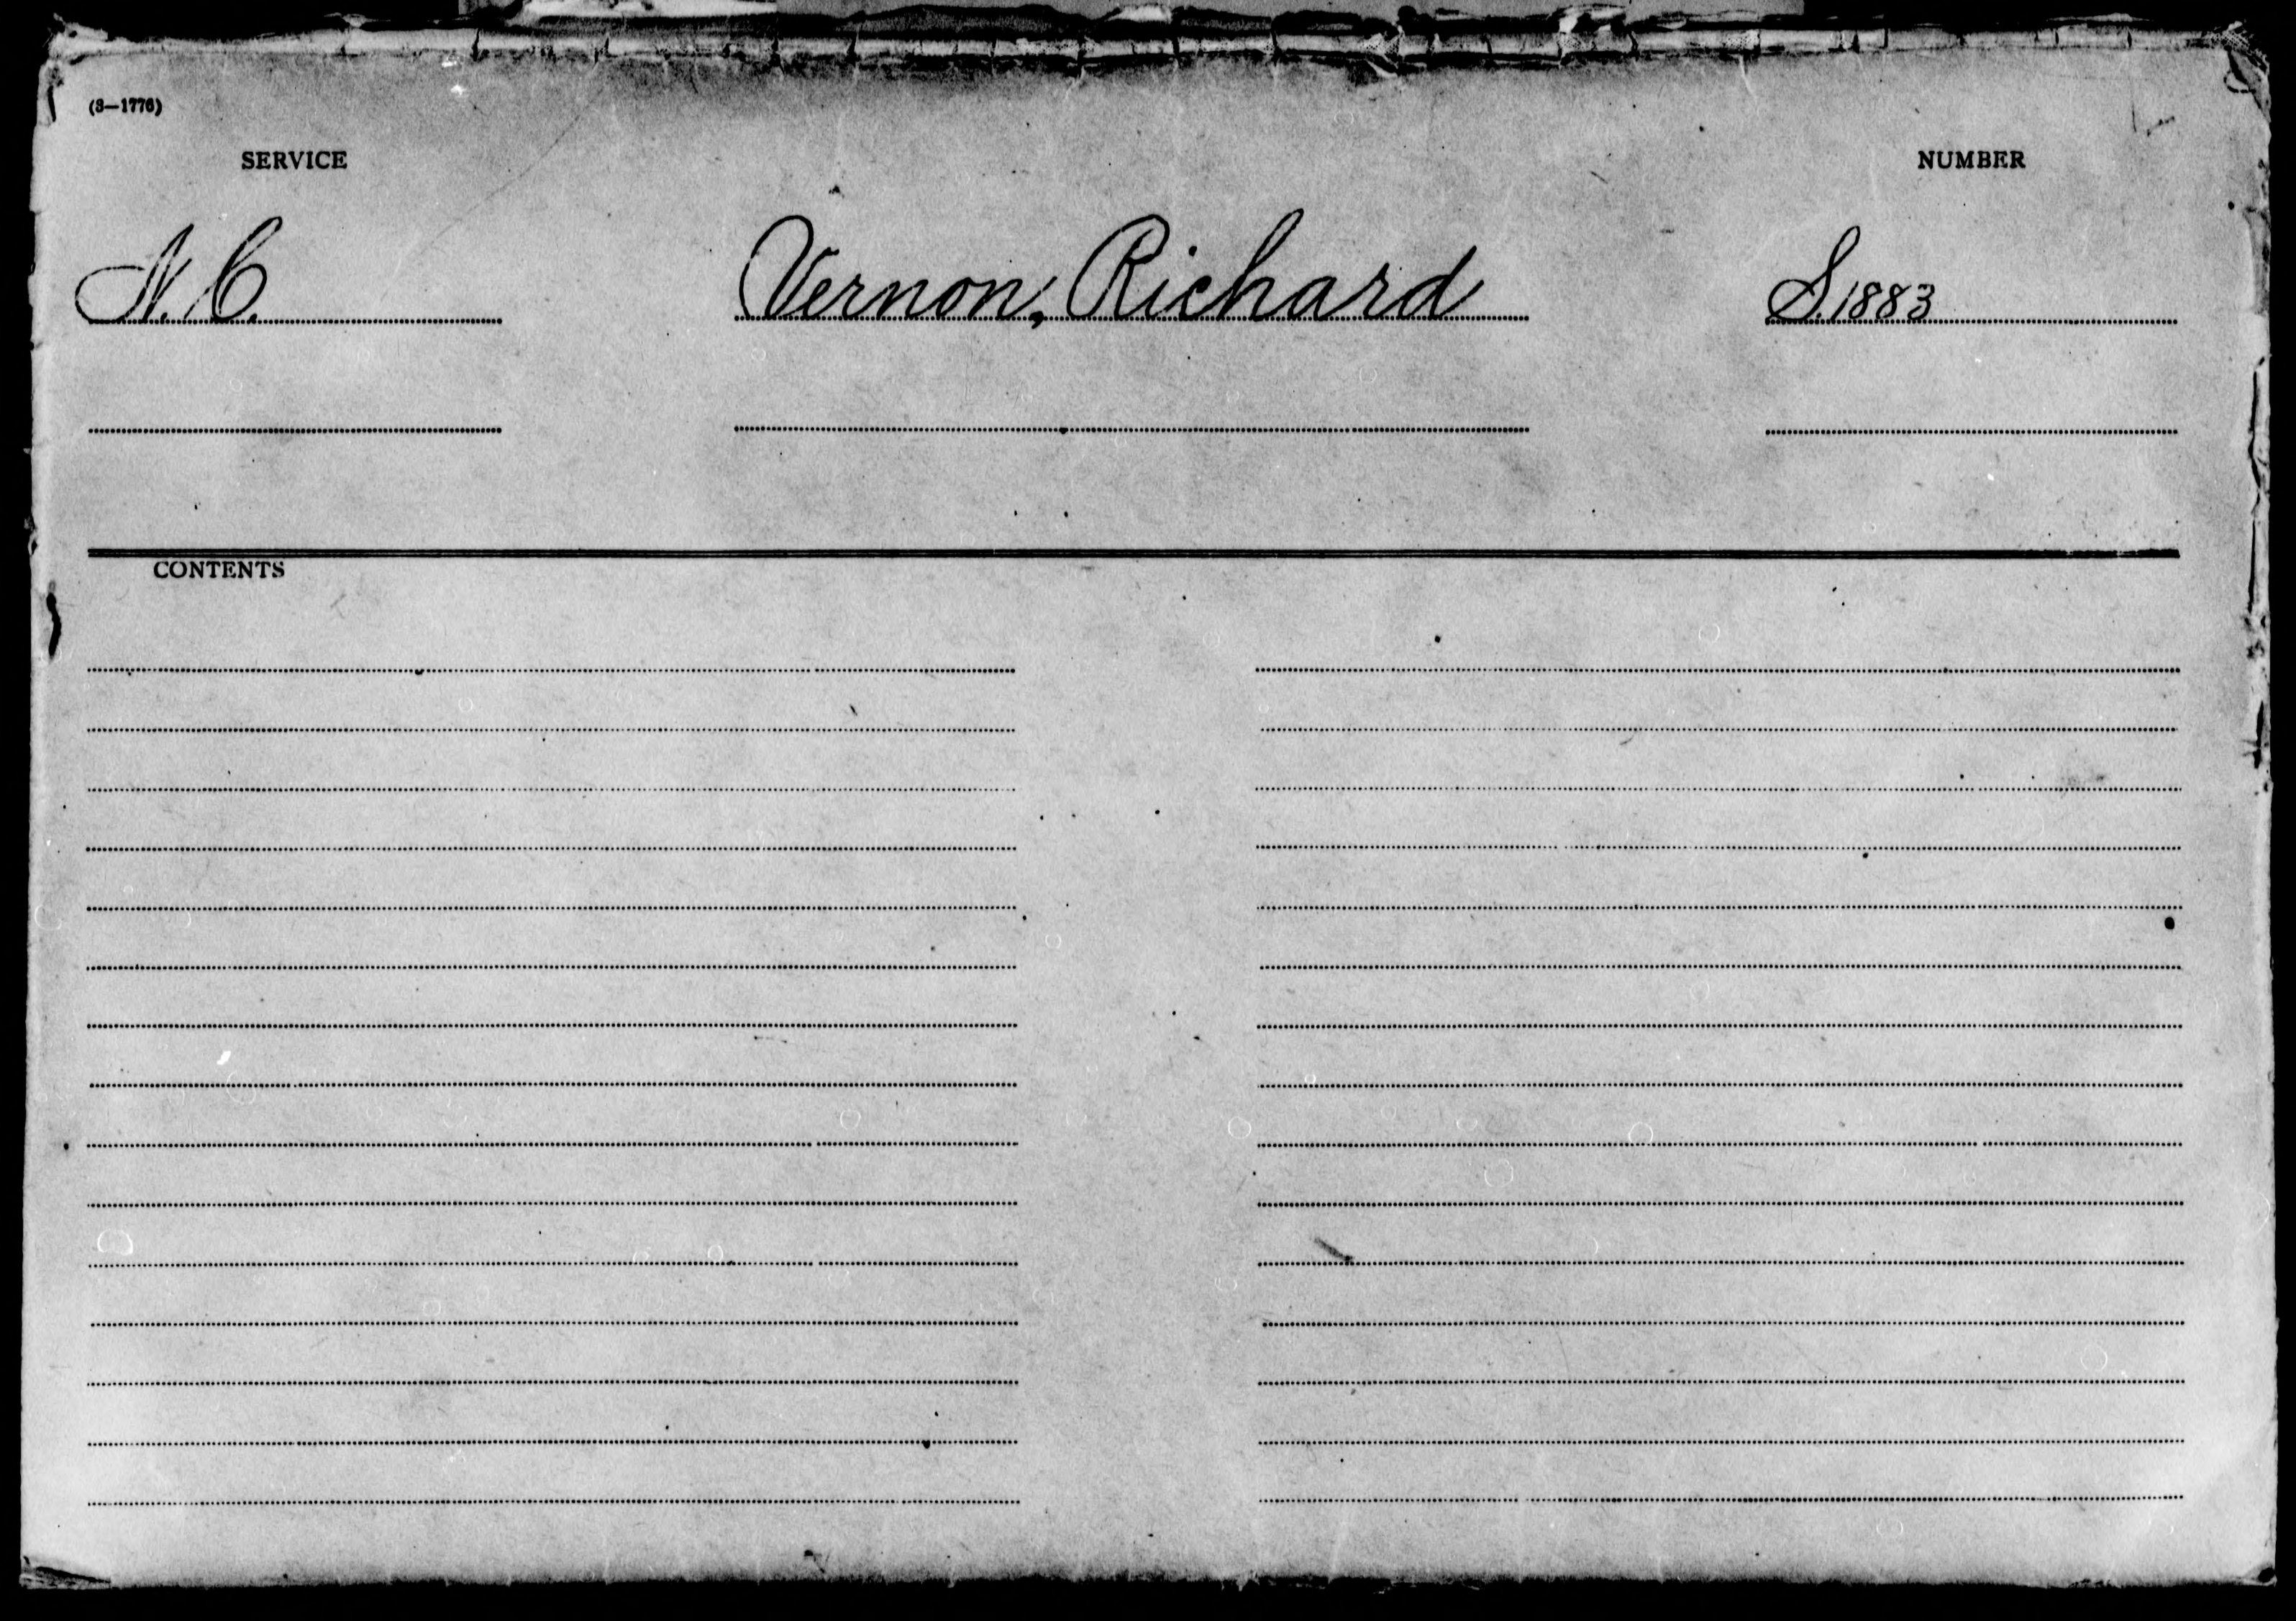(3-1776)

SERVICE
N. C.

Vernon, Richard
NUMBER
S1883

CONTENTS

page: 1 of 105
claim: survivor's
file: S. 1883, Richard Vernon, N.C.